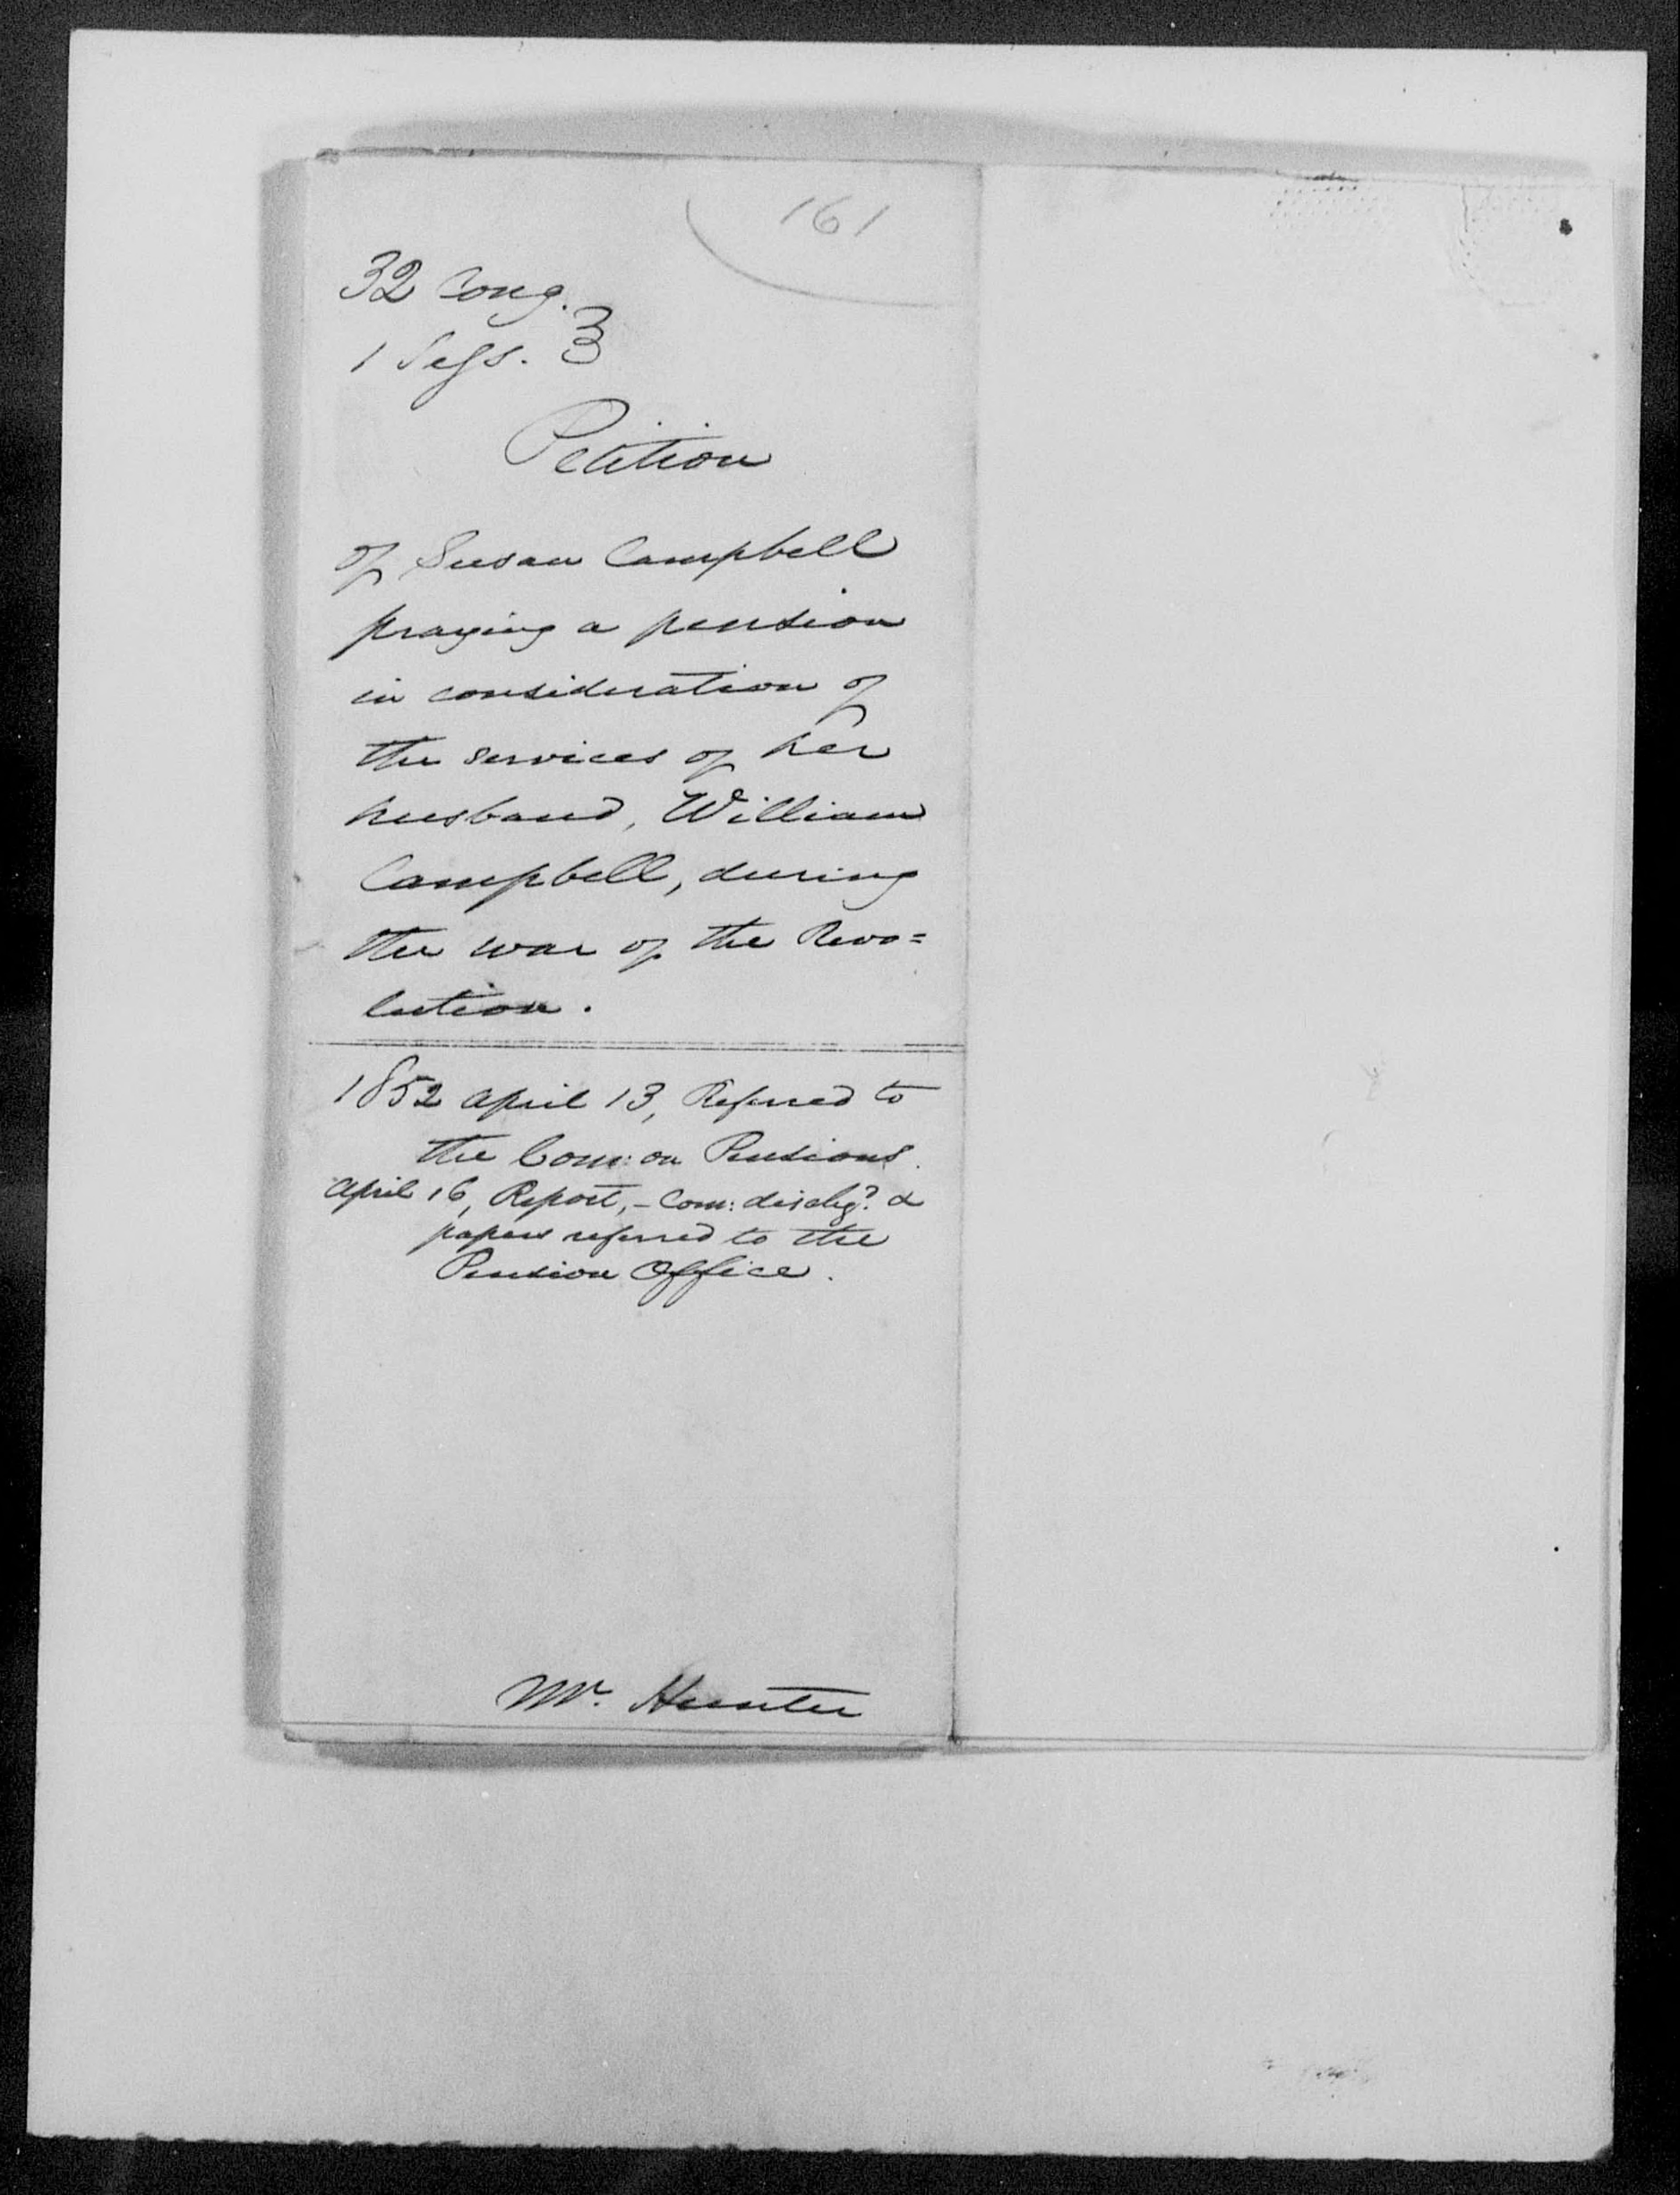161
32 Cong.
1 Sess.}
Petition
of Susan Campbell
praying a pension
in consideration of
the services of her
husband, William
Campbell, during
the war of the Revolution.

1852 April 13, Referred to
The Com. on Pensions.
April 16, Report, - Com: dischg? &
papers referred to the
Pension Office.

Mr. Hunter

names: Susan Campbell, Hunter, William Campbell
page: 180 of 267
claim: widow's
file: W. 4,149, William Campbell, Va.